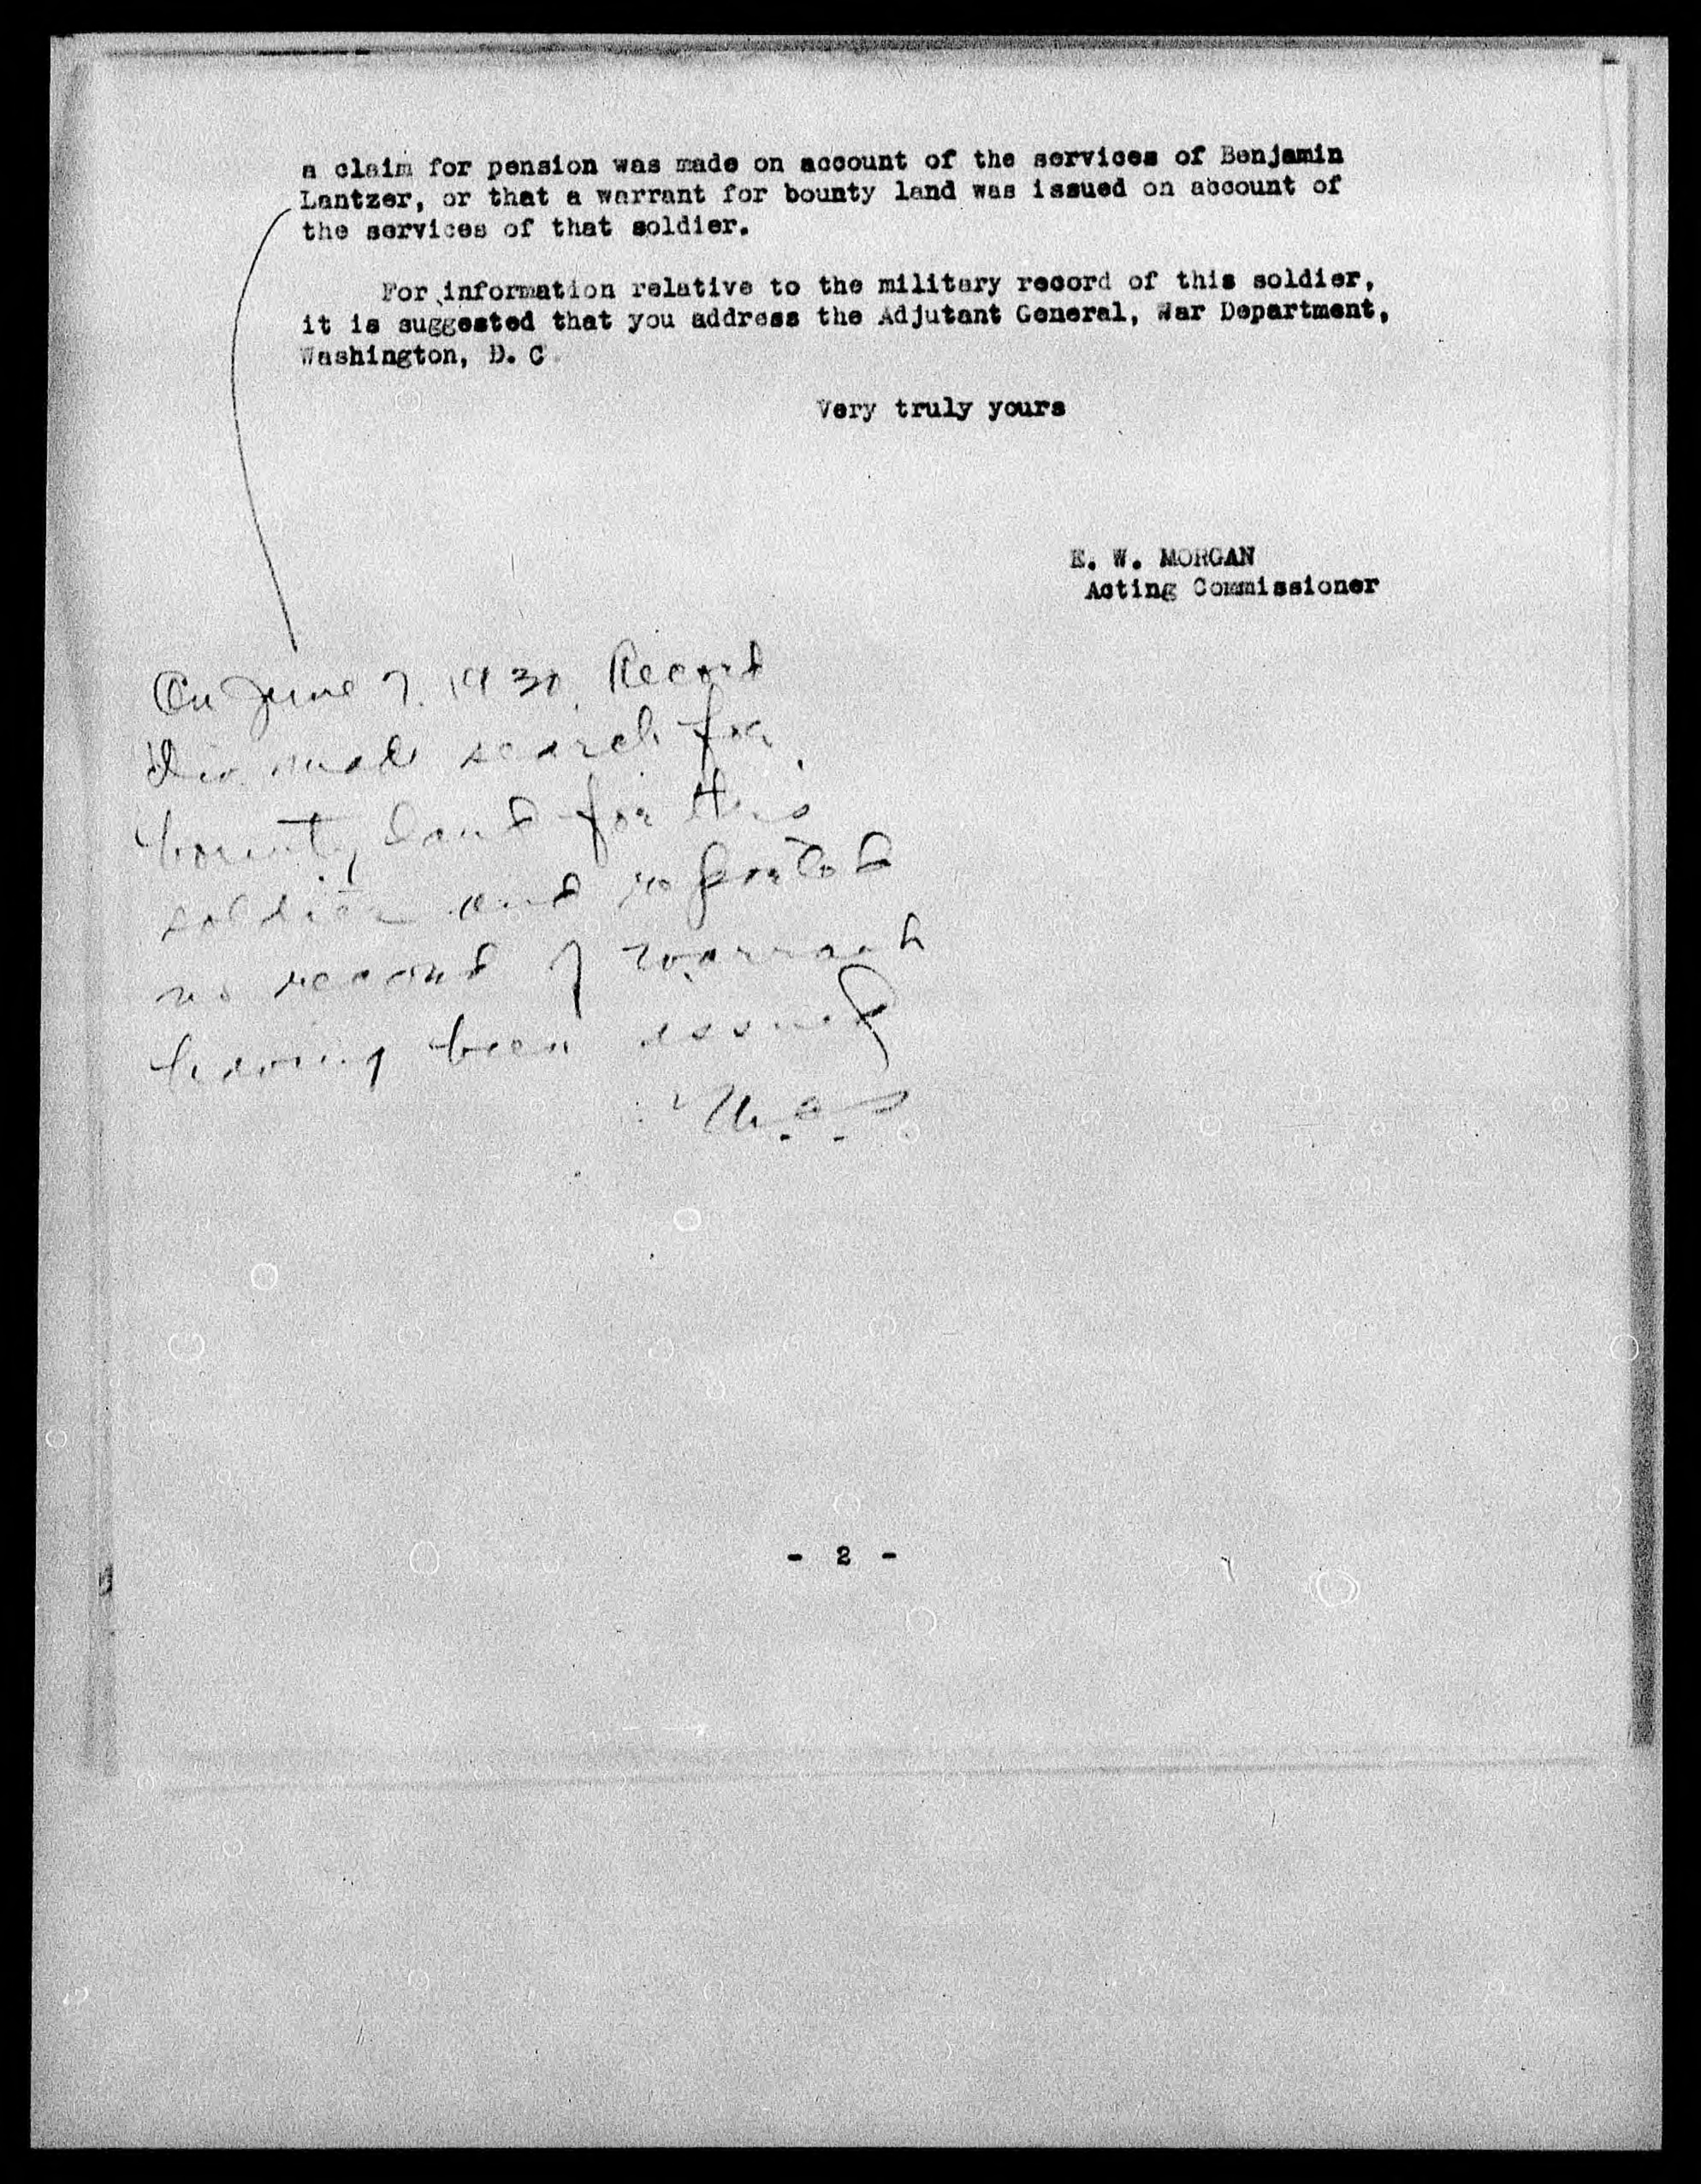a claim for pension was made on account of the services of Benjamin Lantzer, or that a warrant for bounty land was issued on account of the services of that soldier.

For information relative to the military record of this solier, it is suggested that you address the Adjutant General, War Department, Washington, D.C.

Very truly yours

E. W. MORGAN
Acting Commissioner

[The following was hand written on typed page, with line pointing to the name Benjamin Lantzer]:
On June 7, 1930 Record Div made search for bounty land for this soldier and reported no record of warrant having been issued

[illegible signature]




            - 2 -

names: Benjamin Lantzer; E W Morgan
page: 12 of 17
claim: survivor's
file: S. 4499, for Peter Ladig, Pennsylvania